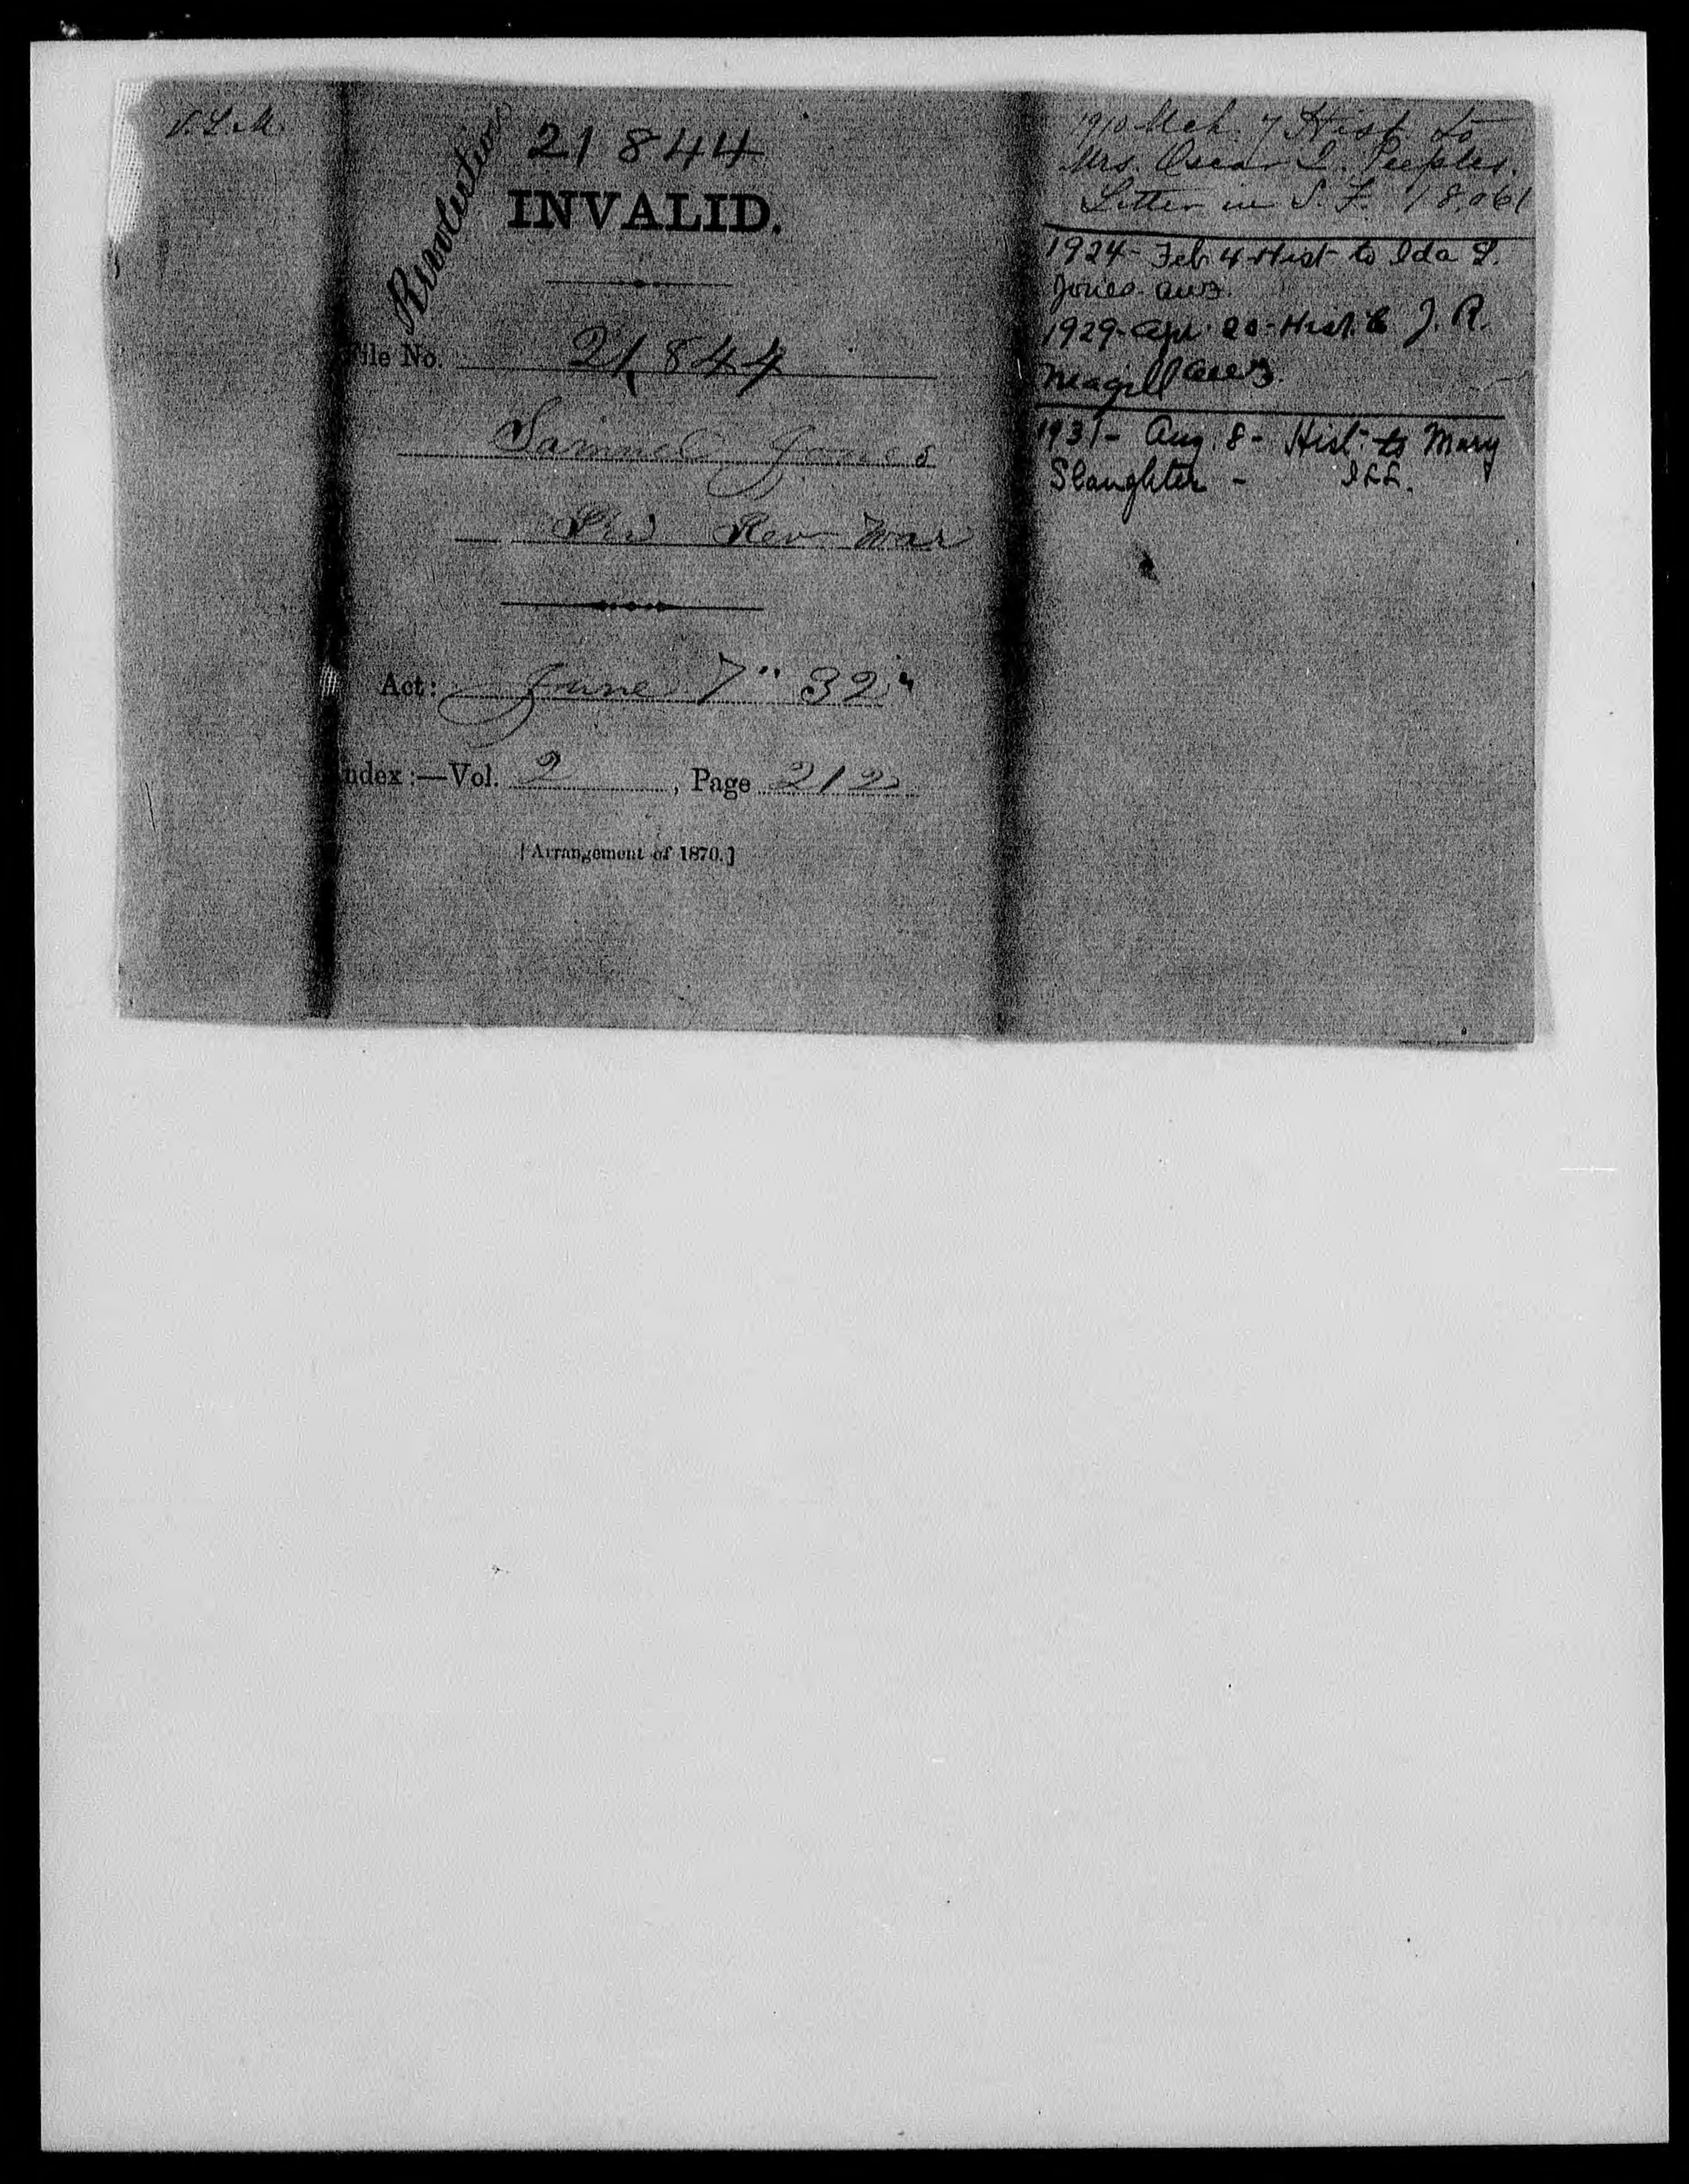Revolution
21844
INVALID
File No. 21,844
Samuel Jones
Pvt Rev War
Act: June 7 32
Index: Vol. 2, Page 212
Arrangement of 1870
1910 [illegible] of Hist to Mrs. Oscar I Peoples. Letter in S. F. 18,061
1924 Feb 4 Hist to Ida L Jones AWJ
1929 Apr 20 Hist to J R Magill AWJ
1931 August 8 Hist to Mary Slaughter ILL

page: 9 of 28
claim: survivor's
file: S. 21844, for Samuel Jones, South Carolina